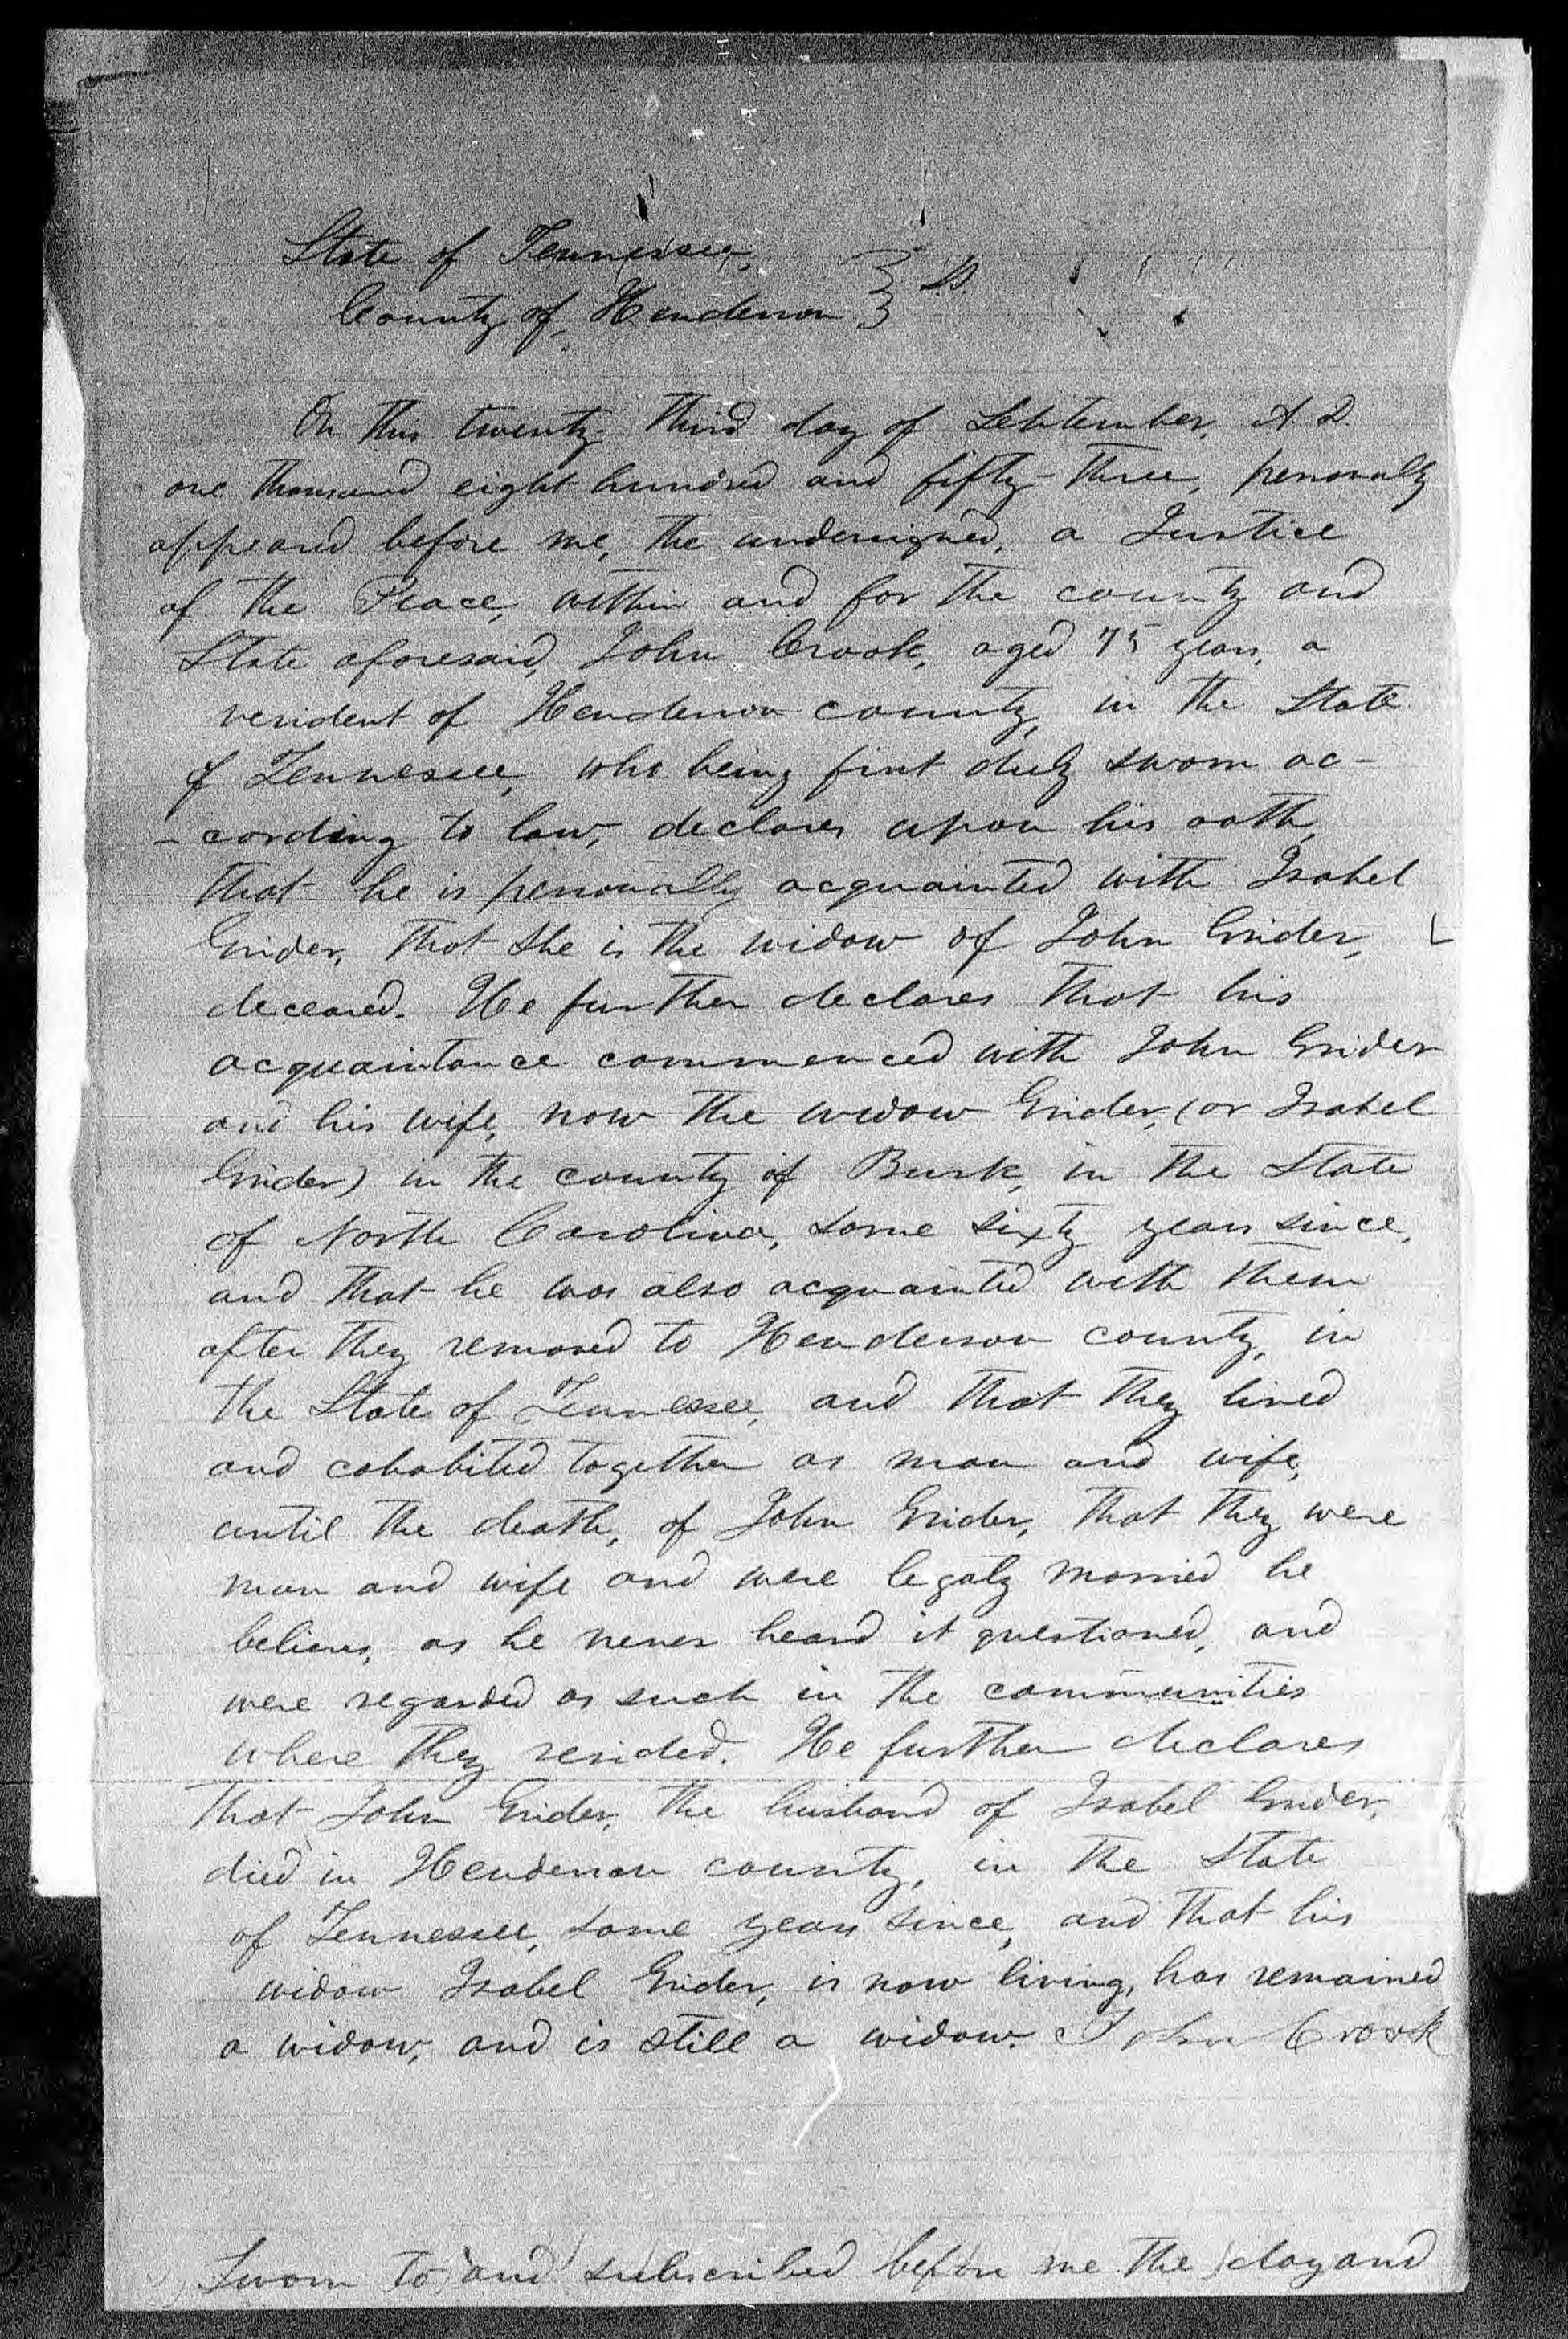State of Tennessee 
County of Henderson  } ss

On the twenty third day of September A.D. one thousand eight hundred and fifty three, personally appeared before me, the undersigned a Justice of the Peace, within and for the county and State aforesaid, John Crook, aged 75 years, a resident of Henderson county, in the State of Tennessee , who being first duly sworn according to law, declares upon his oath, taht he is personally acquainted with Isabel Grider, That she is the widow of John Grider, deceased. He further declares that his acquaintance  commenced with John Grider and his wife, now the widow Grider, (or Isabel Grider) in the county of Burk, in the State of North Carolina, some sixty years since and that he was also acquainted with them after they removed to Henderson County, in the State of Tennessee, and that they lived and cohabited together as man and wife, until the death of John Grider, That they were man and wife and were legaly married he believes, as he never heard it questioned, and were regarded as such in the communities where they resided.  He further declares that John Grider, the husband of Isabel Grider, died in Henderson County, in the State of Tennessee, some years since, and that his widow Isabel Grider, is now living, has remained a widow, and is still a widow.  [signed] John Crook

Sworn to and subscribed before me the day and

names: Isabel Grider, John Grider, John Grider, Isabel Grider, Grider, John Grider, John Crook, John Grider, Isabel Grider, John Crook, Isabel Grider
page: 16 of 91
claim: widow's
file: W 358, John Grider, N.C.